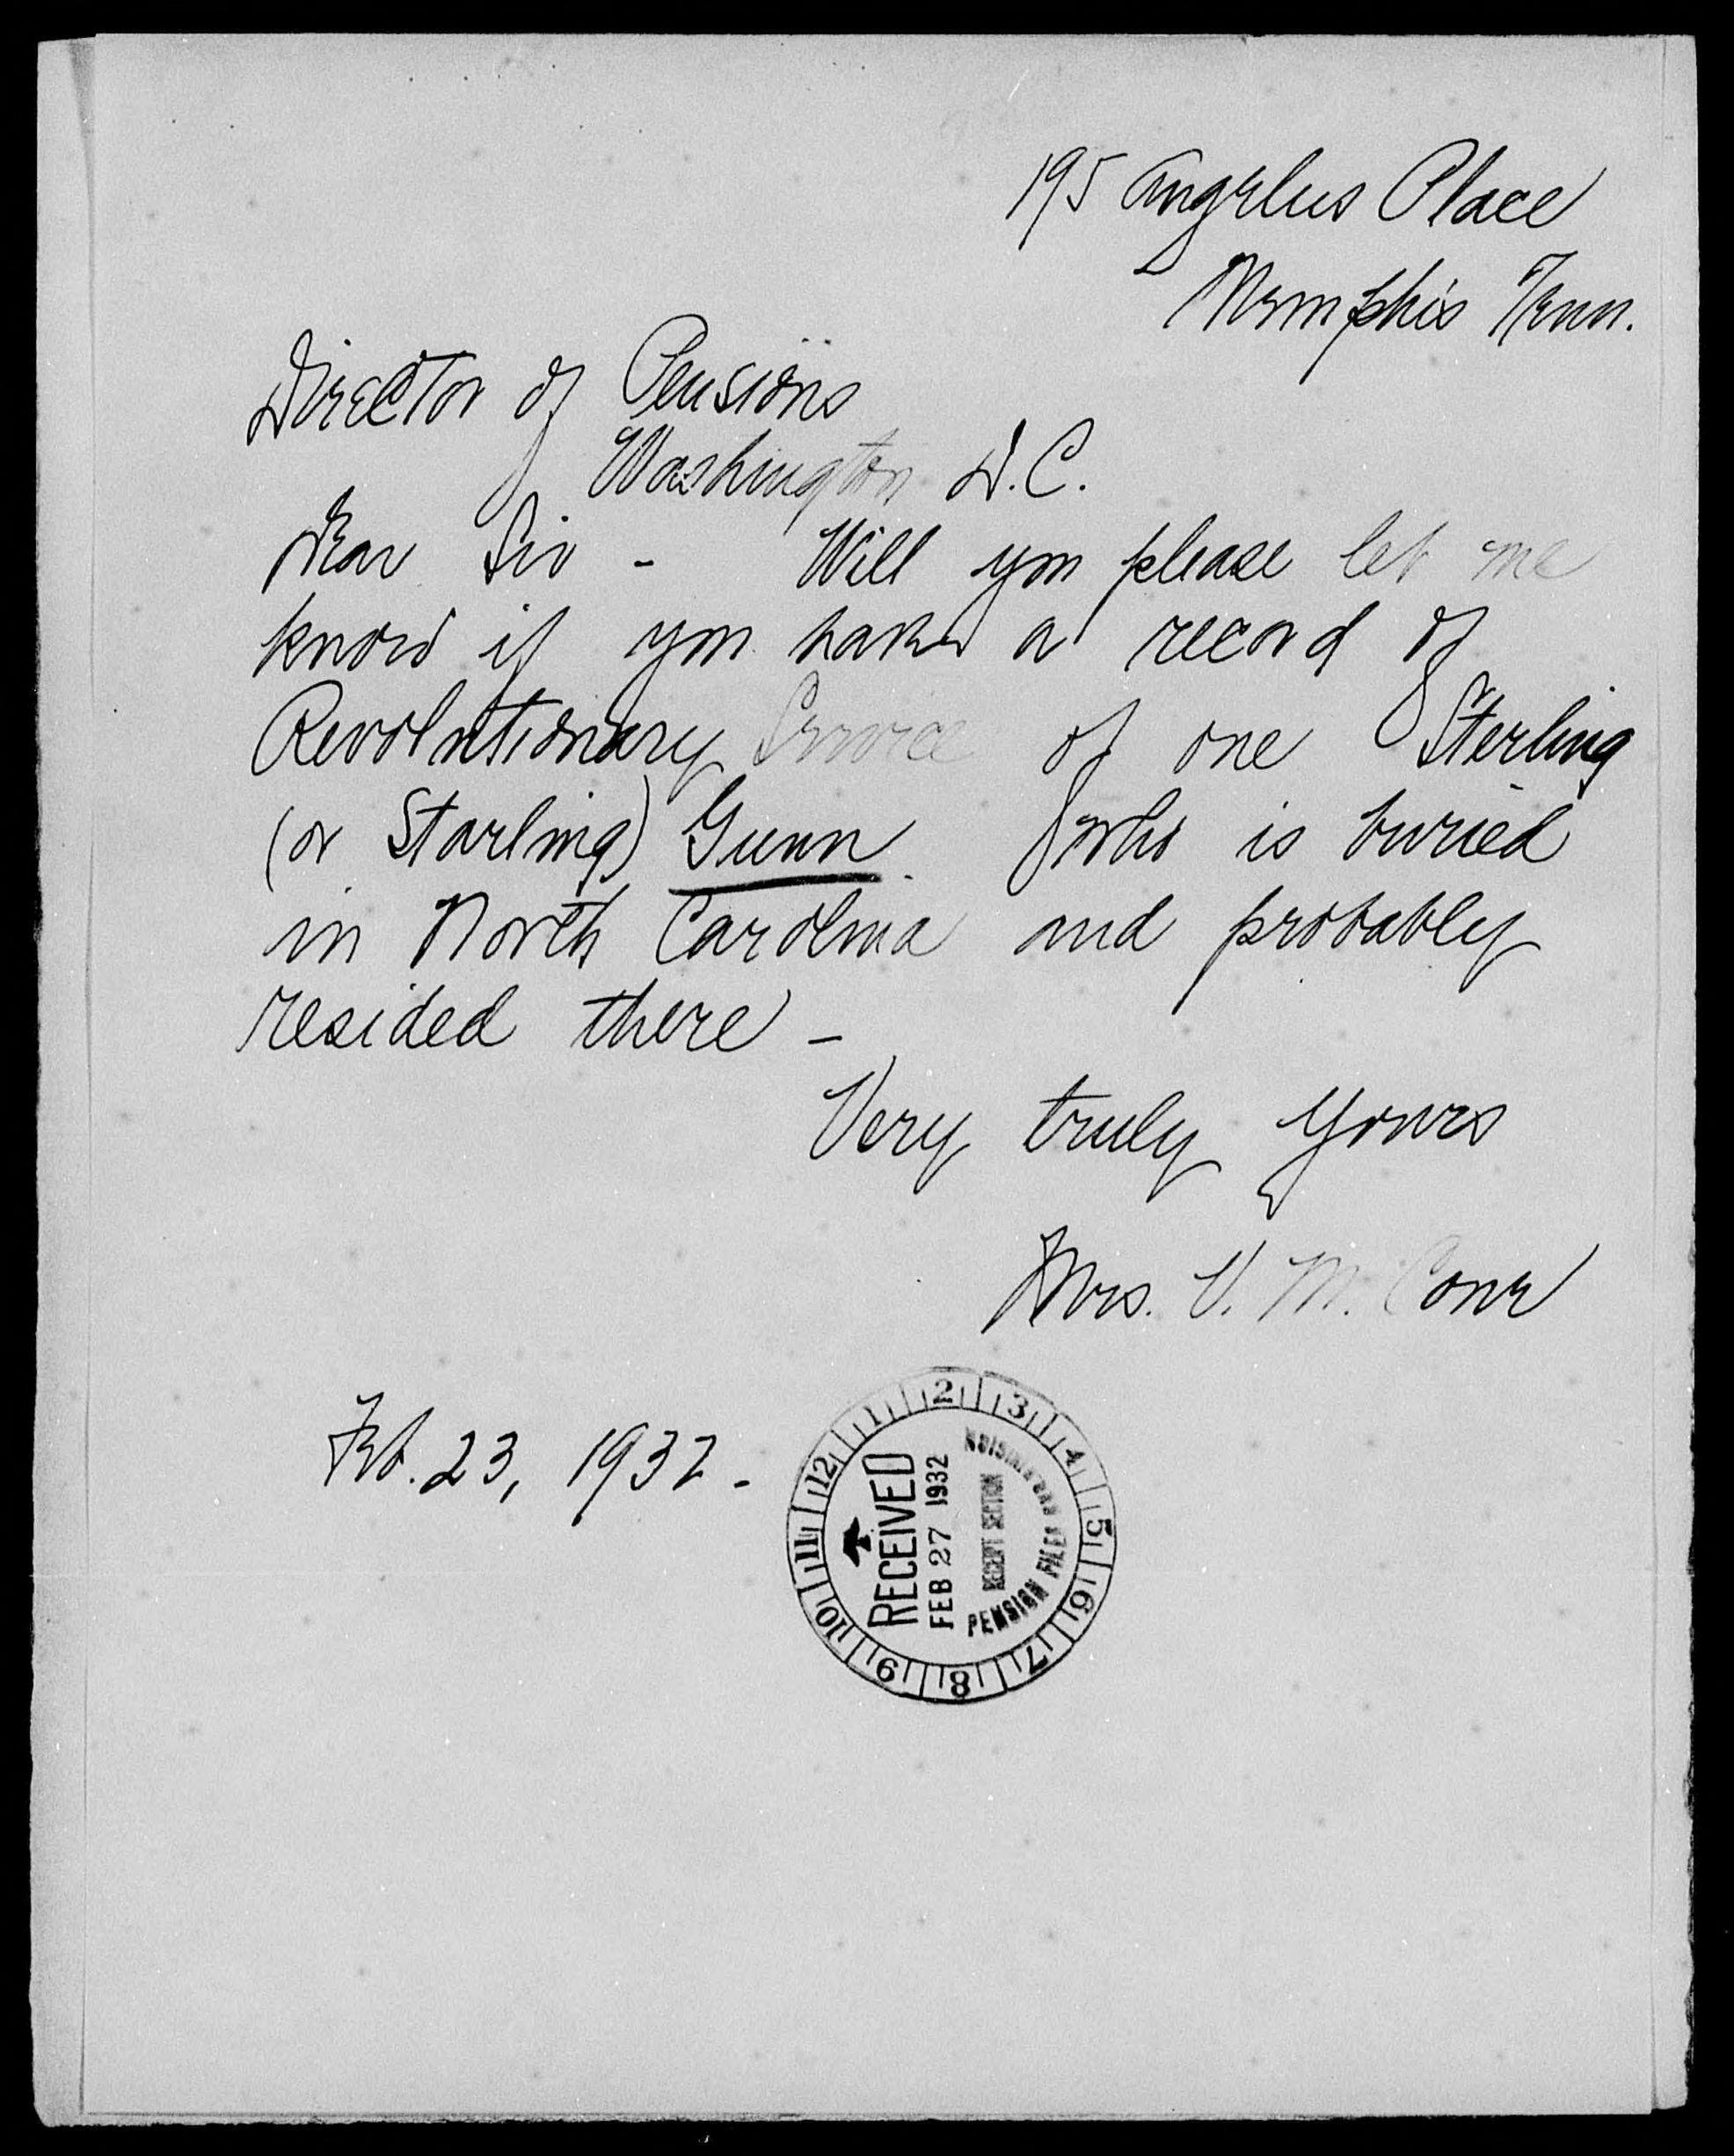195 Angelus Place  Memphis Tenn.
Director of Pensions Washington, D.C.
Dear Sir - Will you please let me know if you have a record of Revolutionary Service of one Sterling (or Starling) Gunn.  who is buried in North Carolina and probably resided there.
very truly yours
Mrs. V.M. Cone
Feb. 23, 1932

[Stamp:]
RECEIVED FEB 27  1932
RECEIPT SECTION
PENSION FILES [illegible]RISION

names: V M Cone, Starling Gunn, Sterling Gunn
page: 38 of 58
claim: survivor's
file: S. 6,941, Starling Gunn, Continental Va.